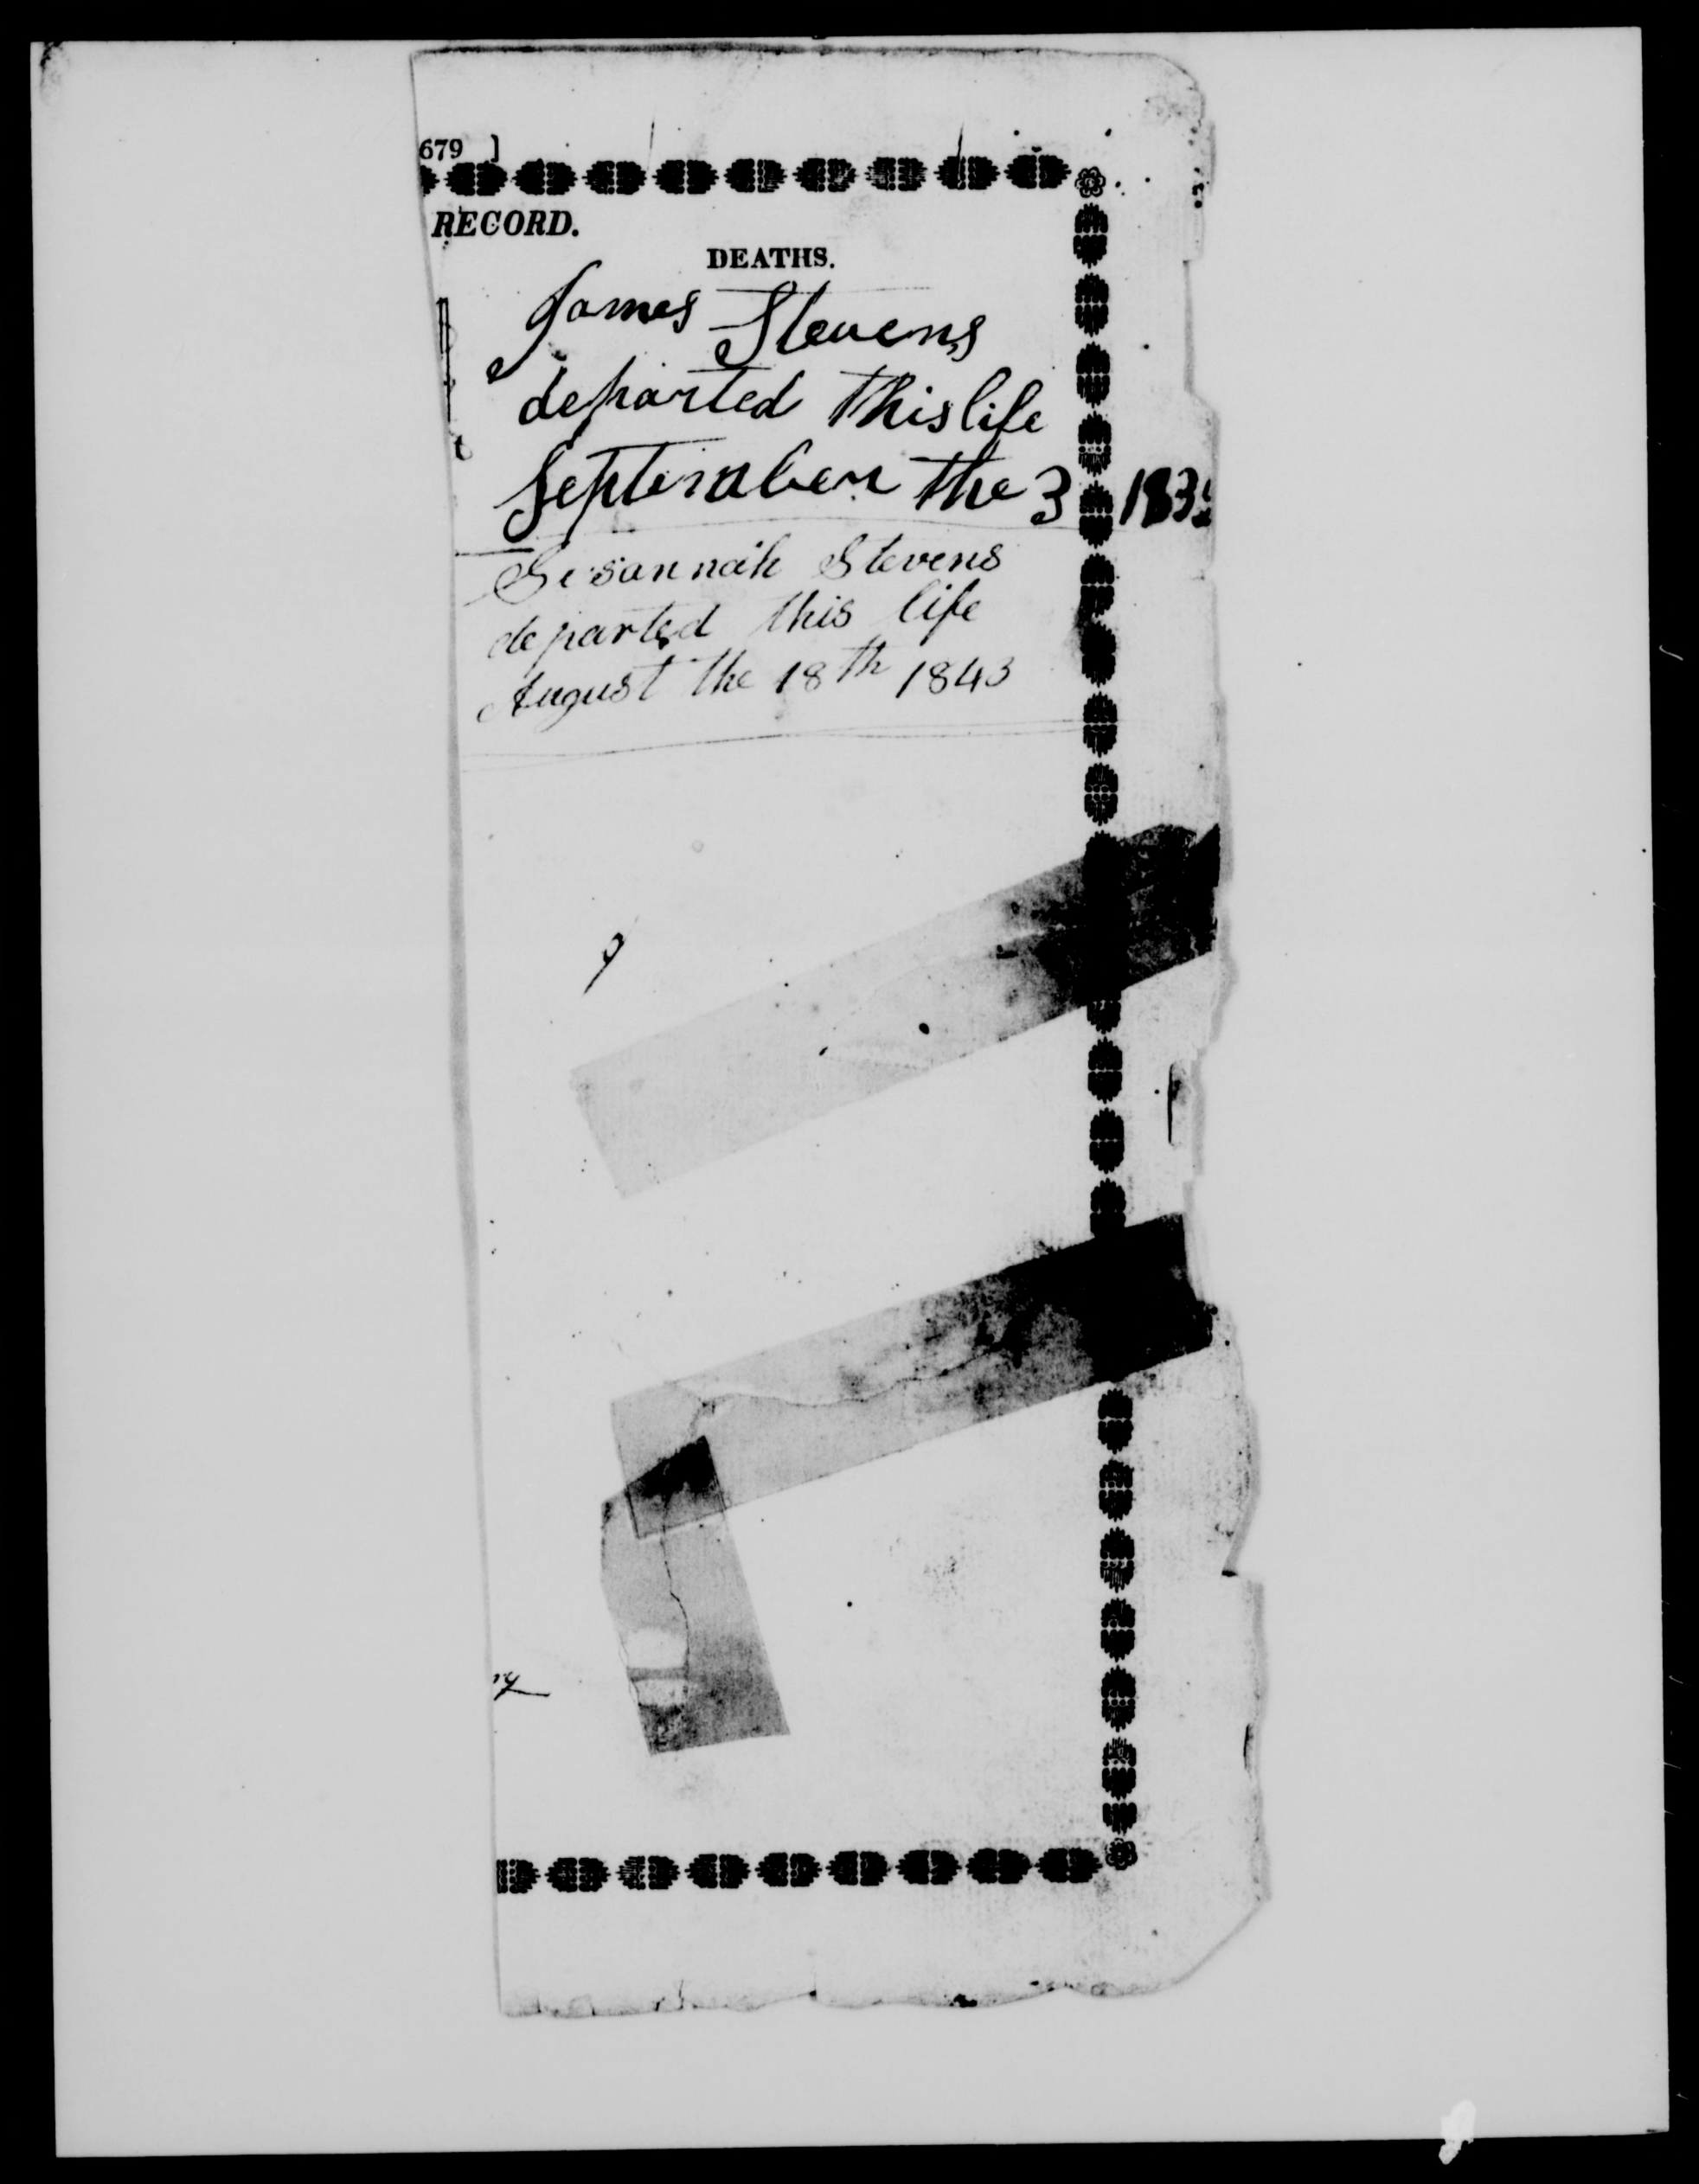679
RECORD.
DEATHS.
James Stevens departed this life
September the 3 1832
Susannah Stevens departed this life
August the 18th 1843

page: 2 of 99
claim: widow's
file: W 8766, for James Stevens, Virginia